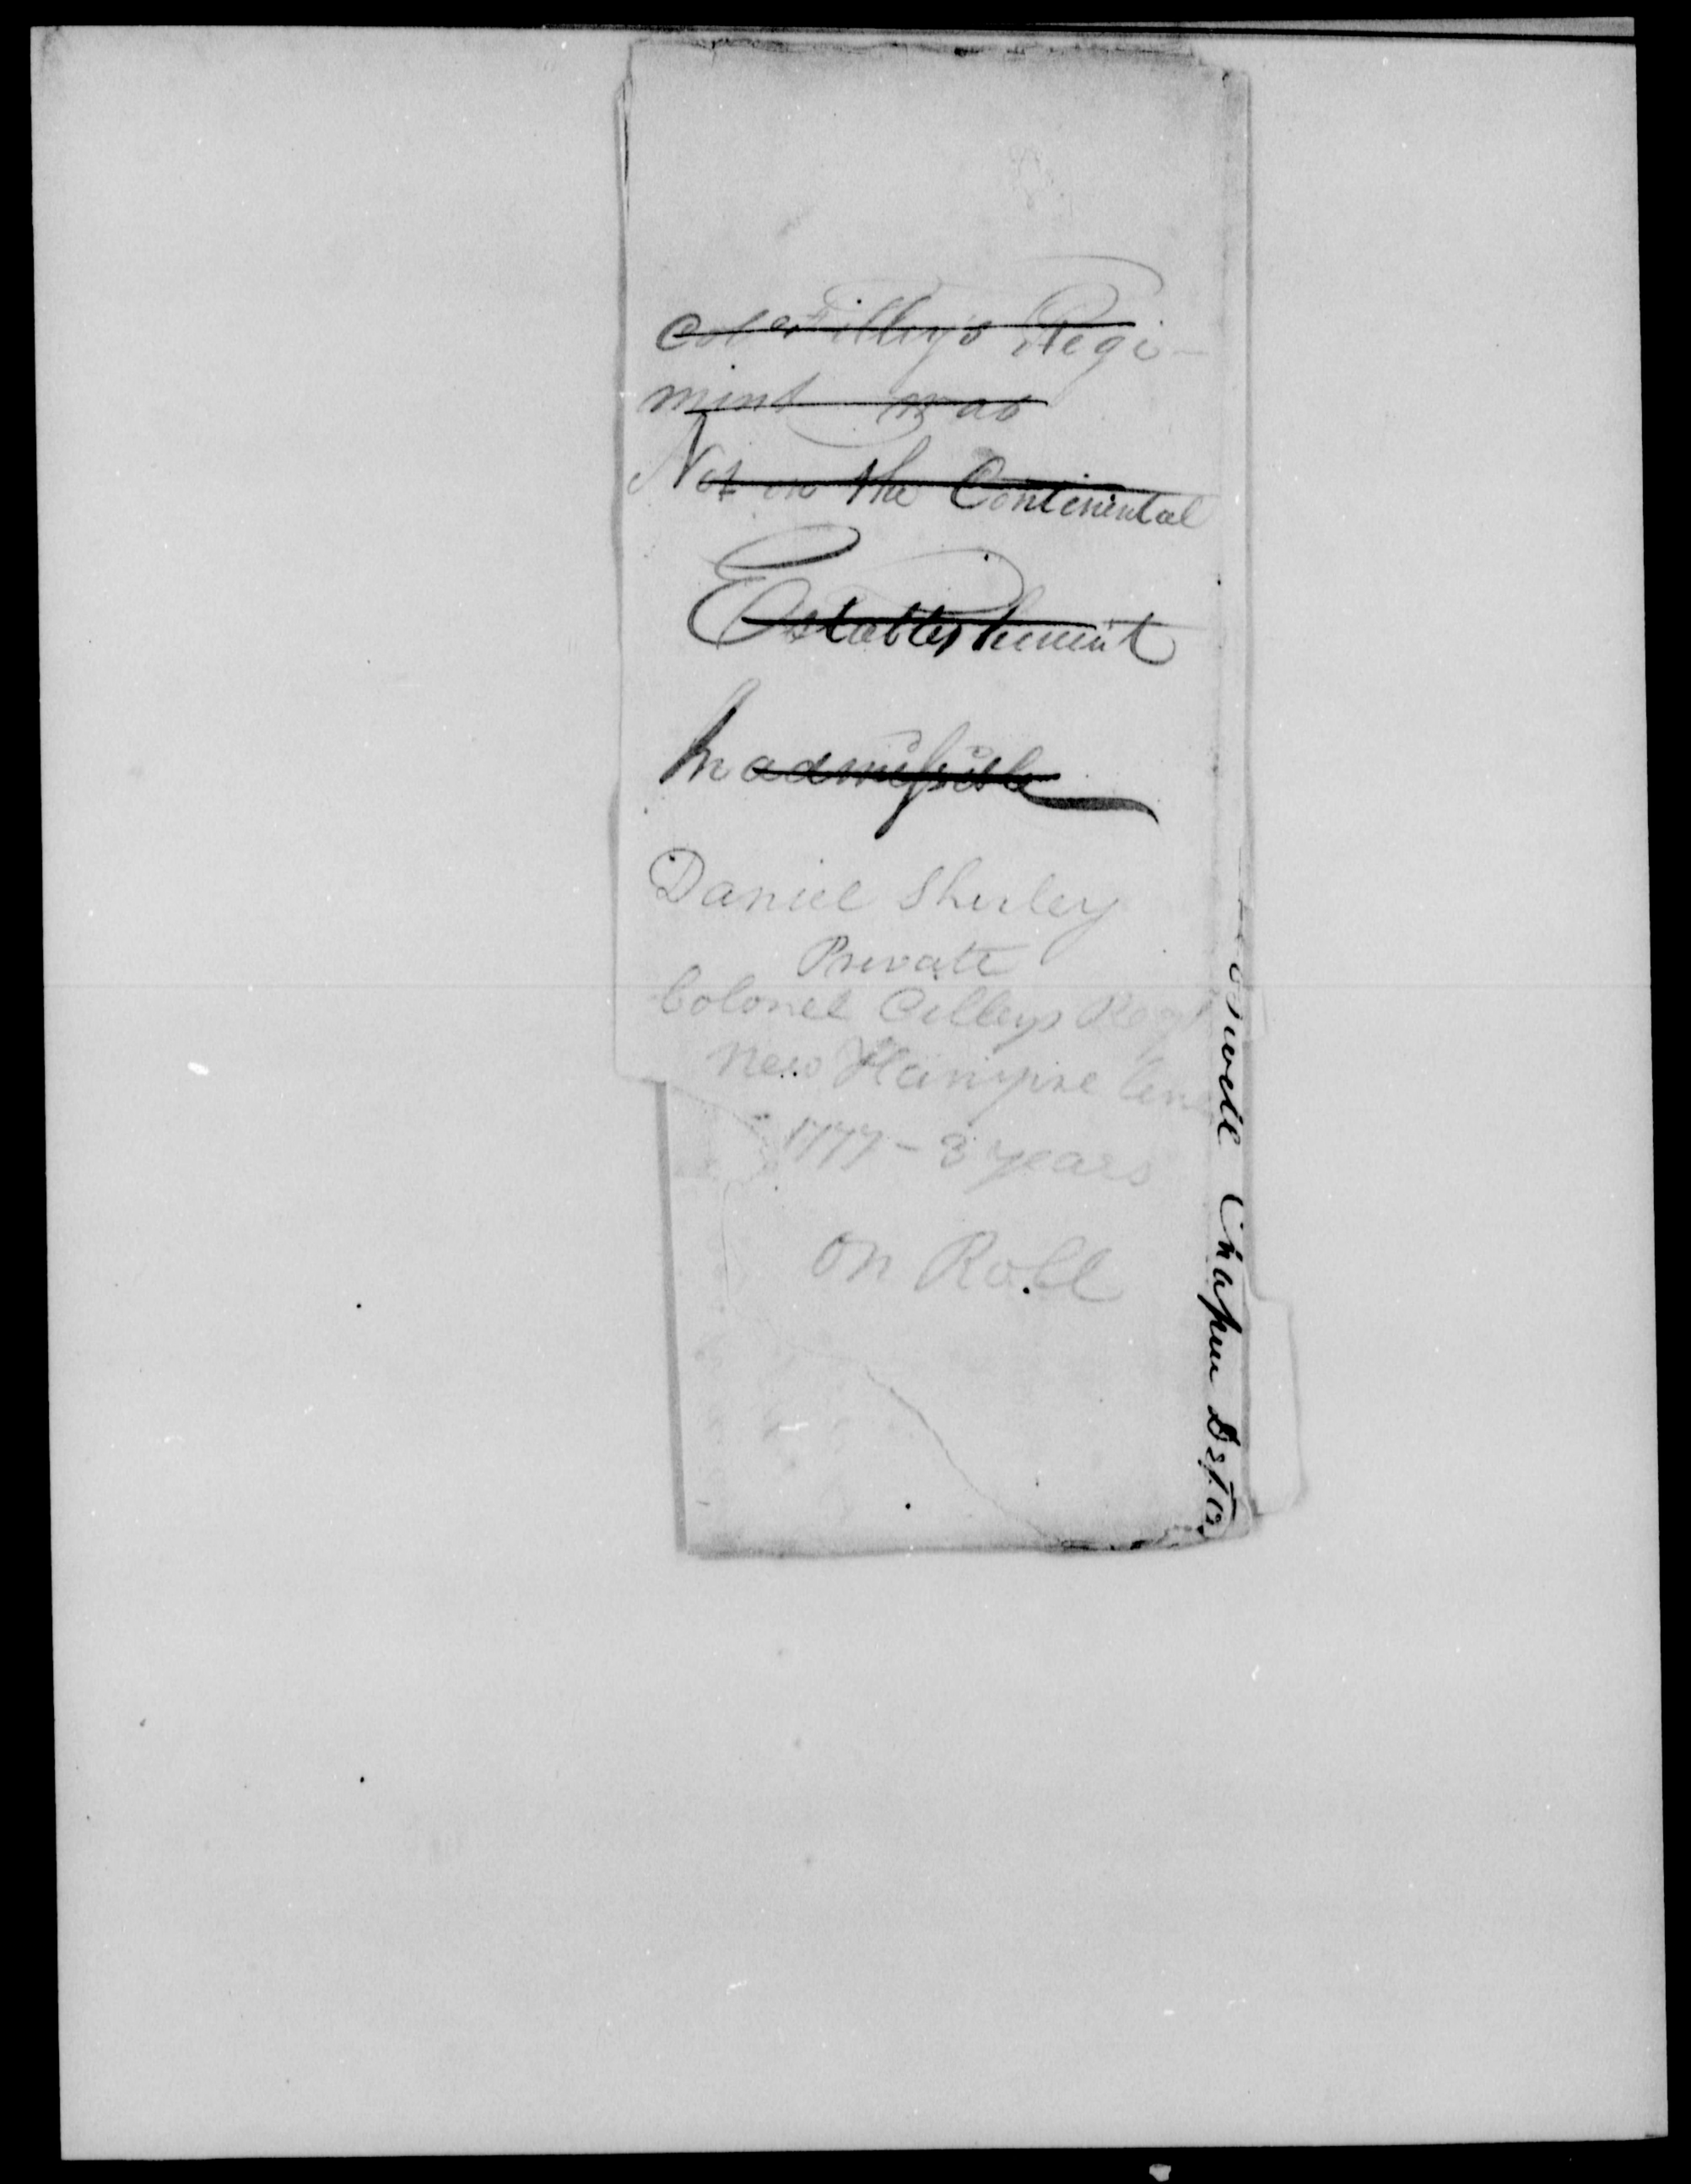[following all stricken out]

Col Tilley's Regiment was
Not on the Continental
Establishment
In admifsible

[following not stricken out]

Daniel Shirley
Private
Colonel Cilleys Regt
New Hampire line
1777--3 years
on Roll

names: Daniel Shirley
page: 10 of 20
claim: survivor's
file: S. 40412, for Daniel Shirley, New Hampshire